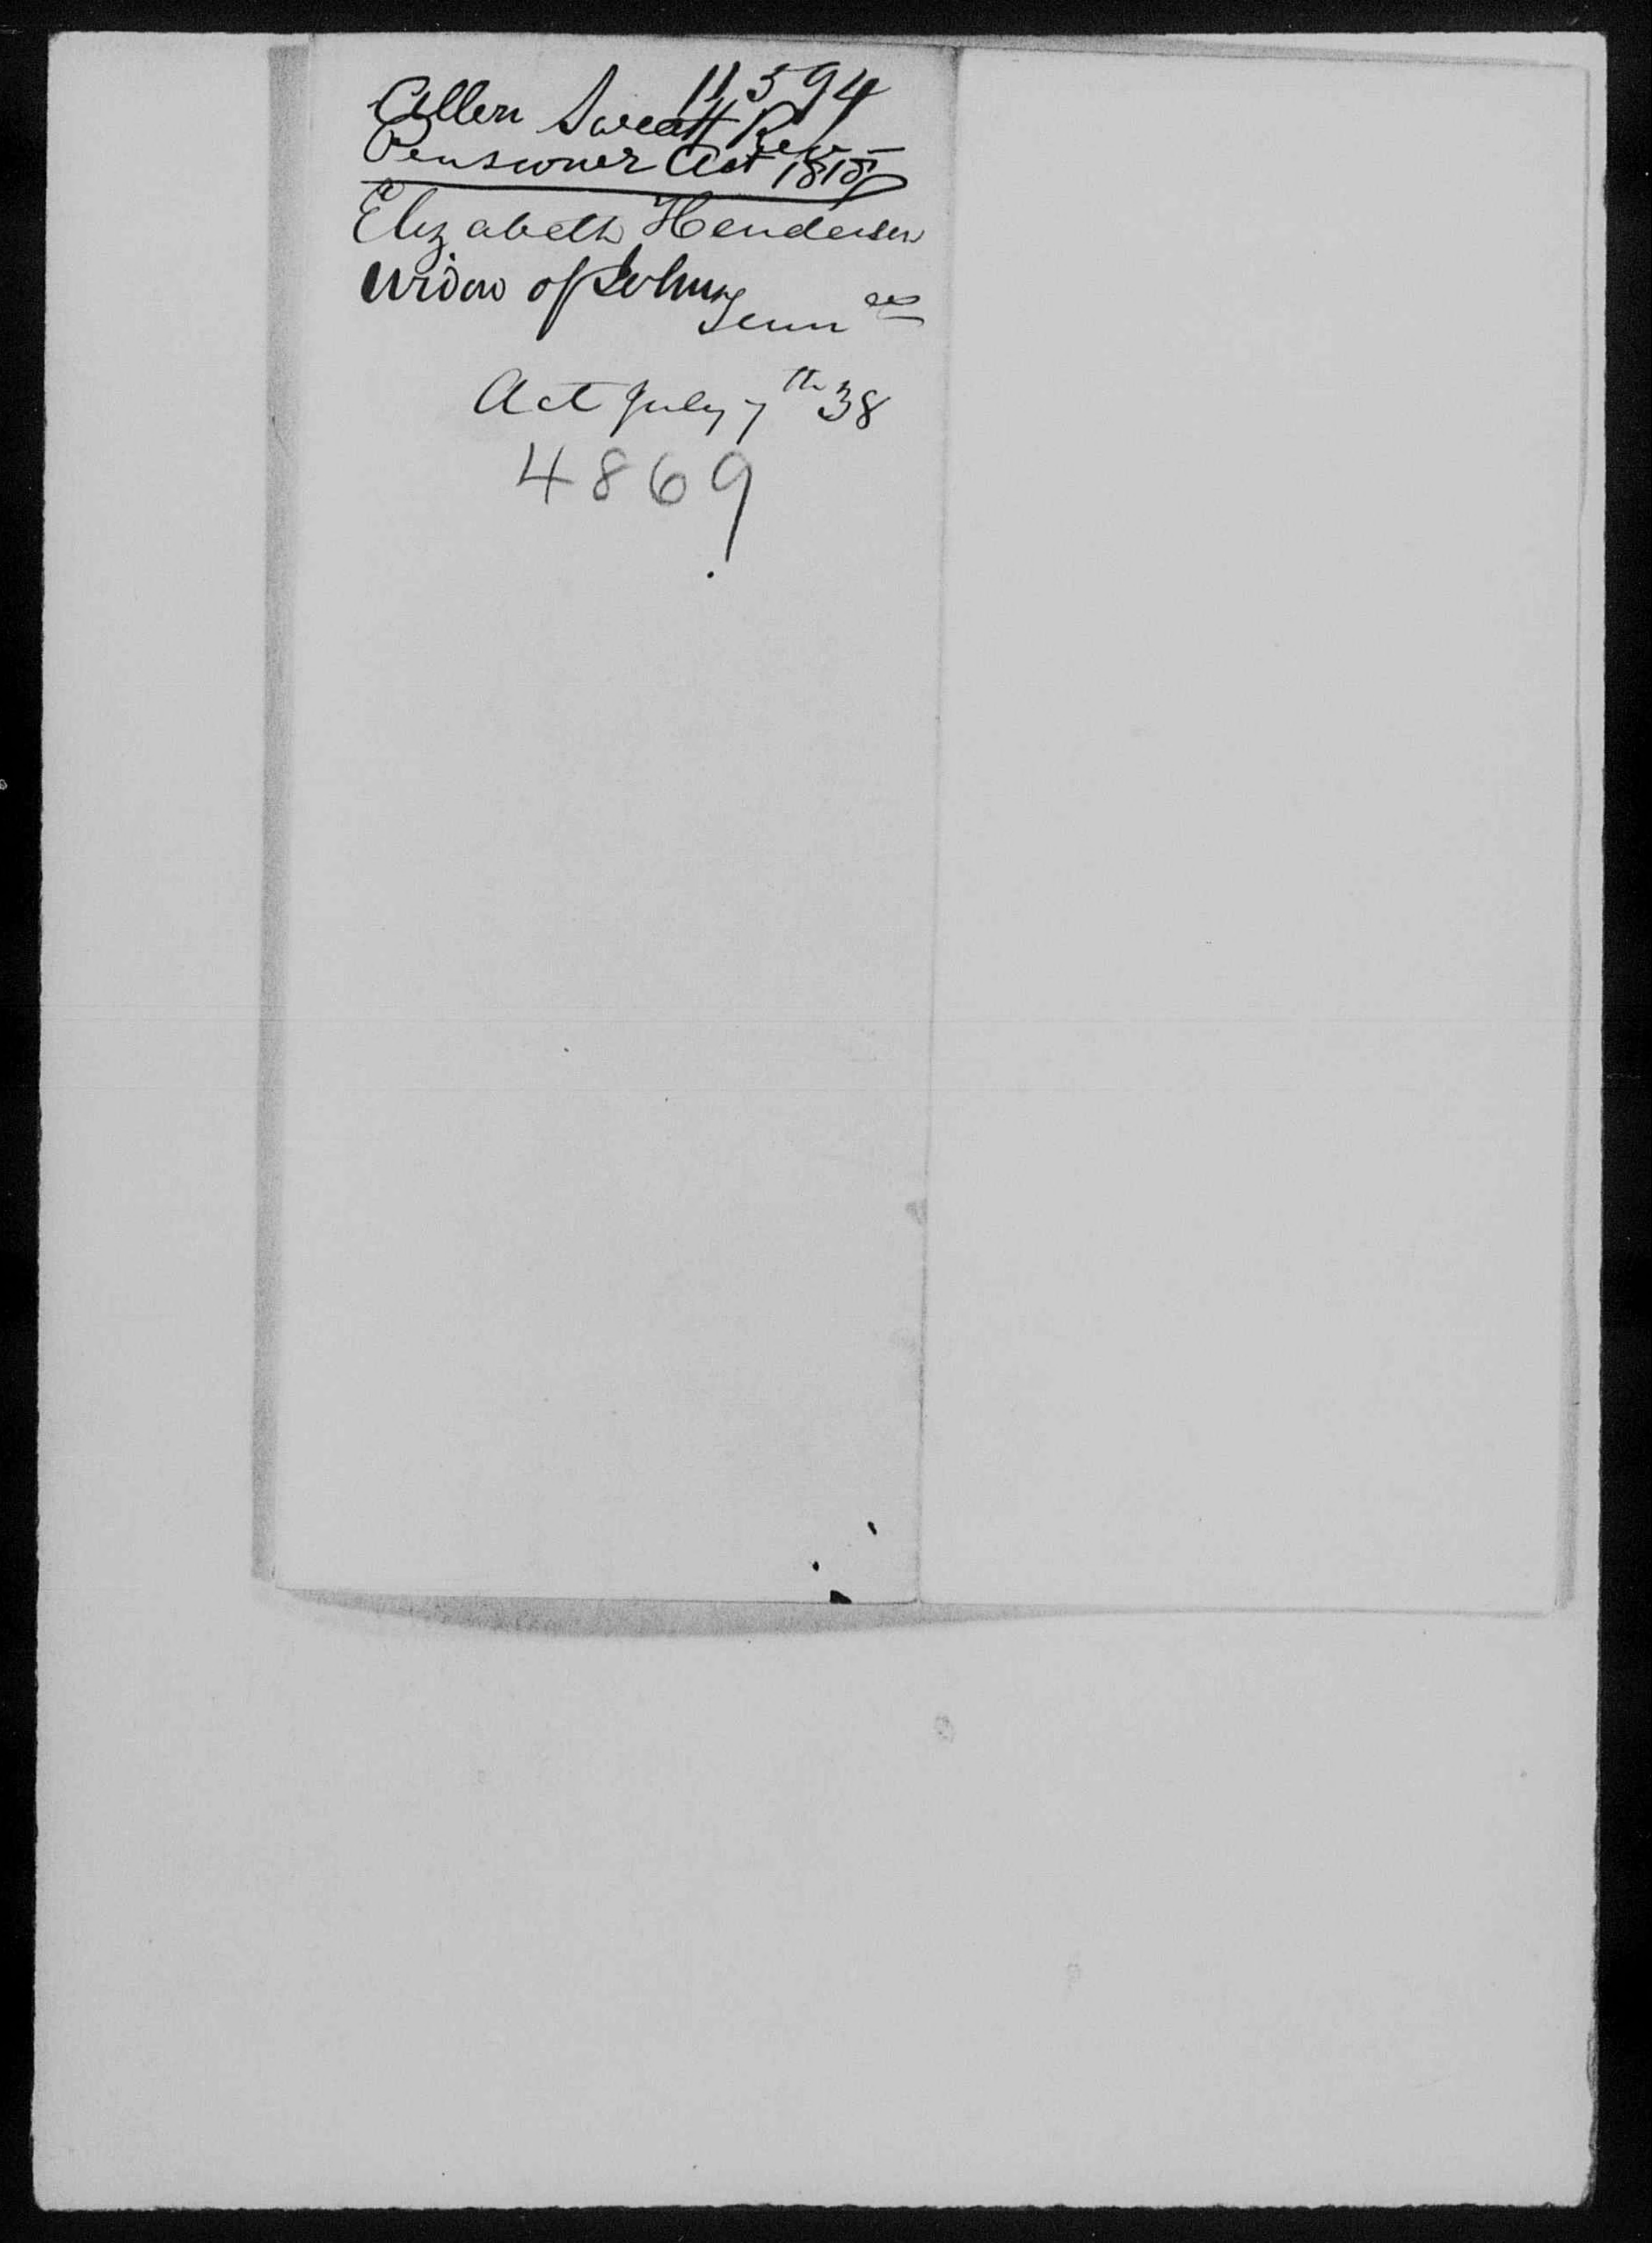11594
Allen Sweatt Rev - 
Pensioner [illegible] 1818
________________________
Elizabeth Henderson
widow of John
                        Tenn
Act July 7th 38
4869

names: John Henderson, Allen Sweatt, Elizabeth Henderson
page: 24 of 40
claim: rejected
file: R. 4,869, John Henderson, S.C.